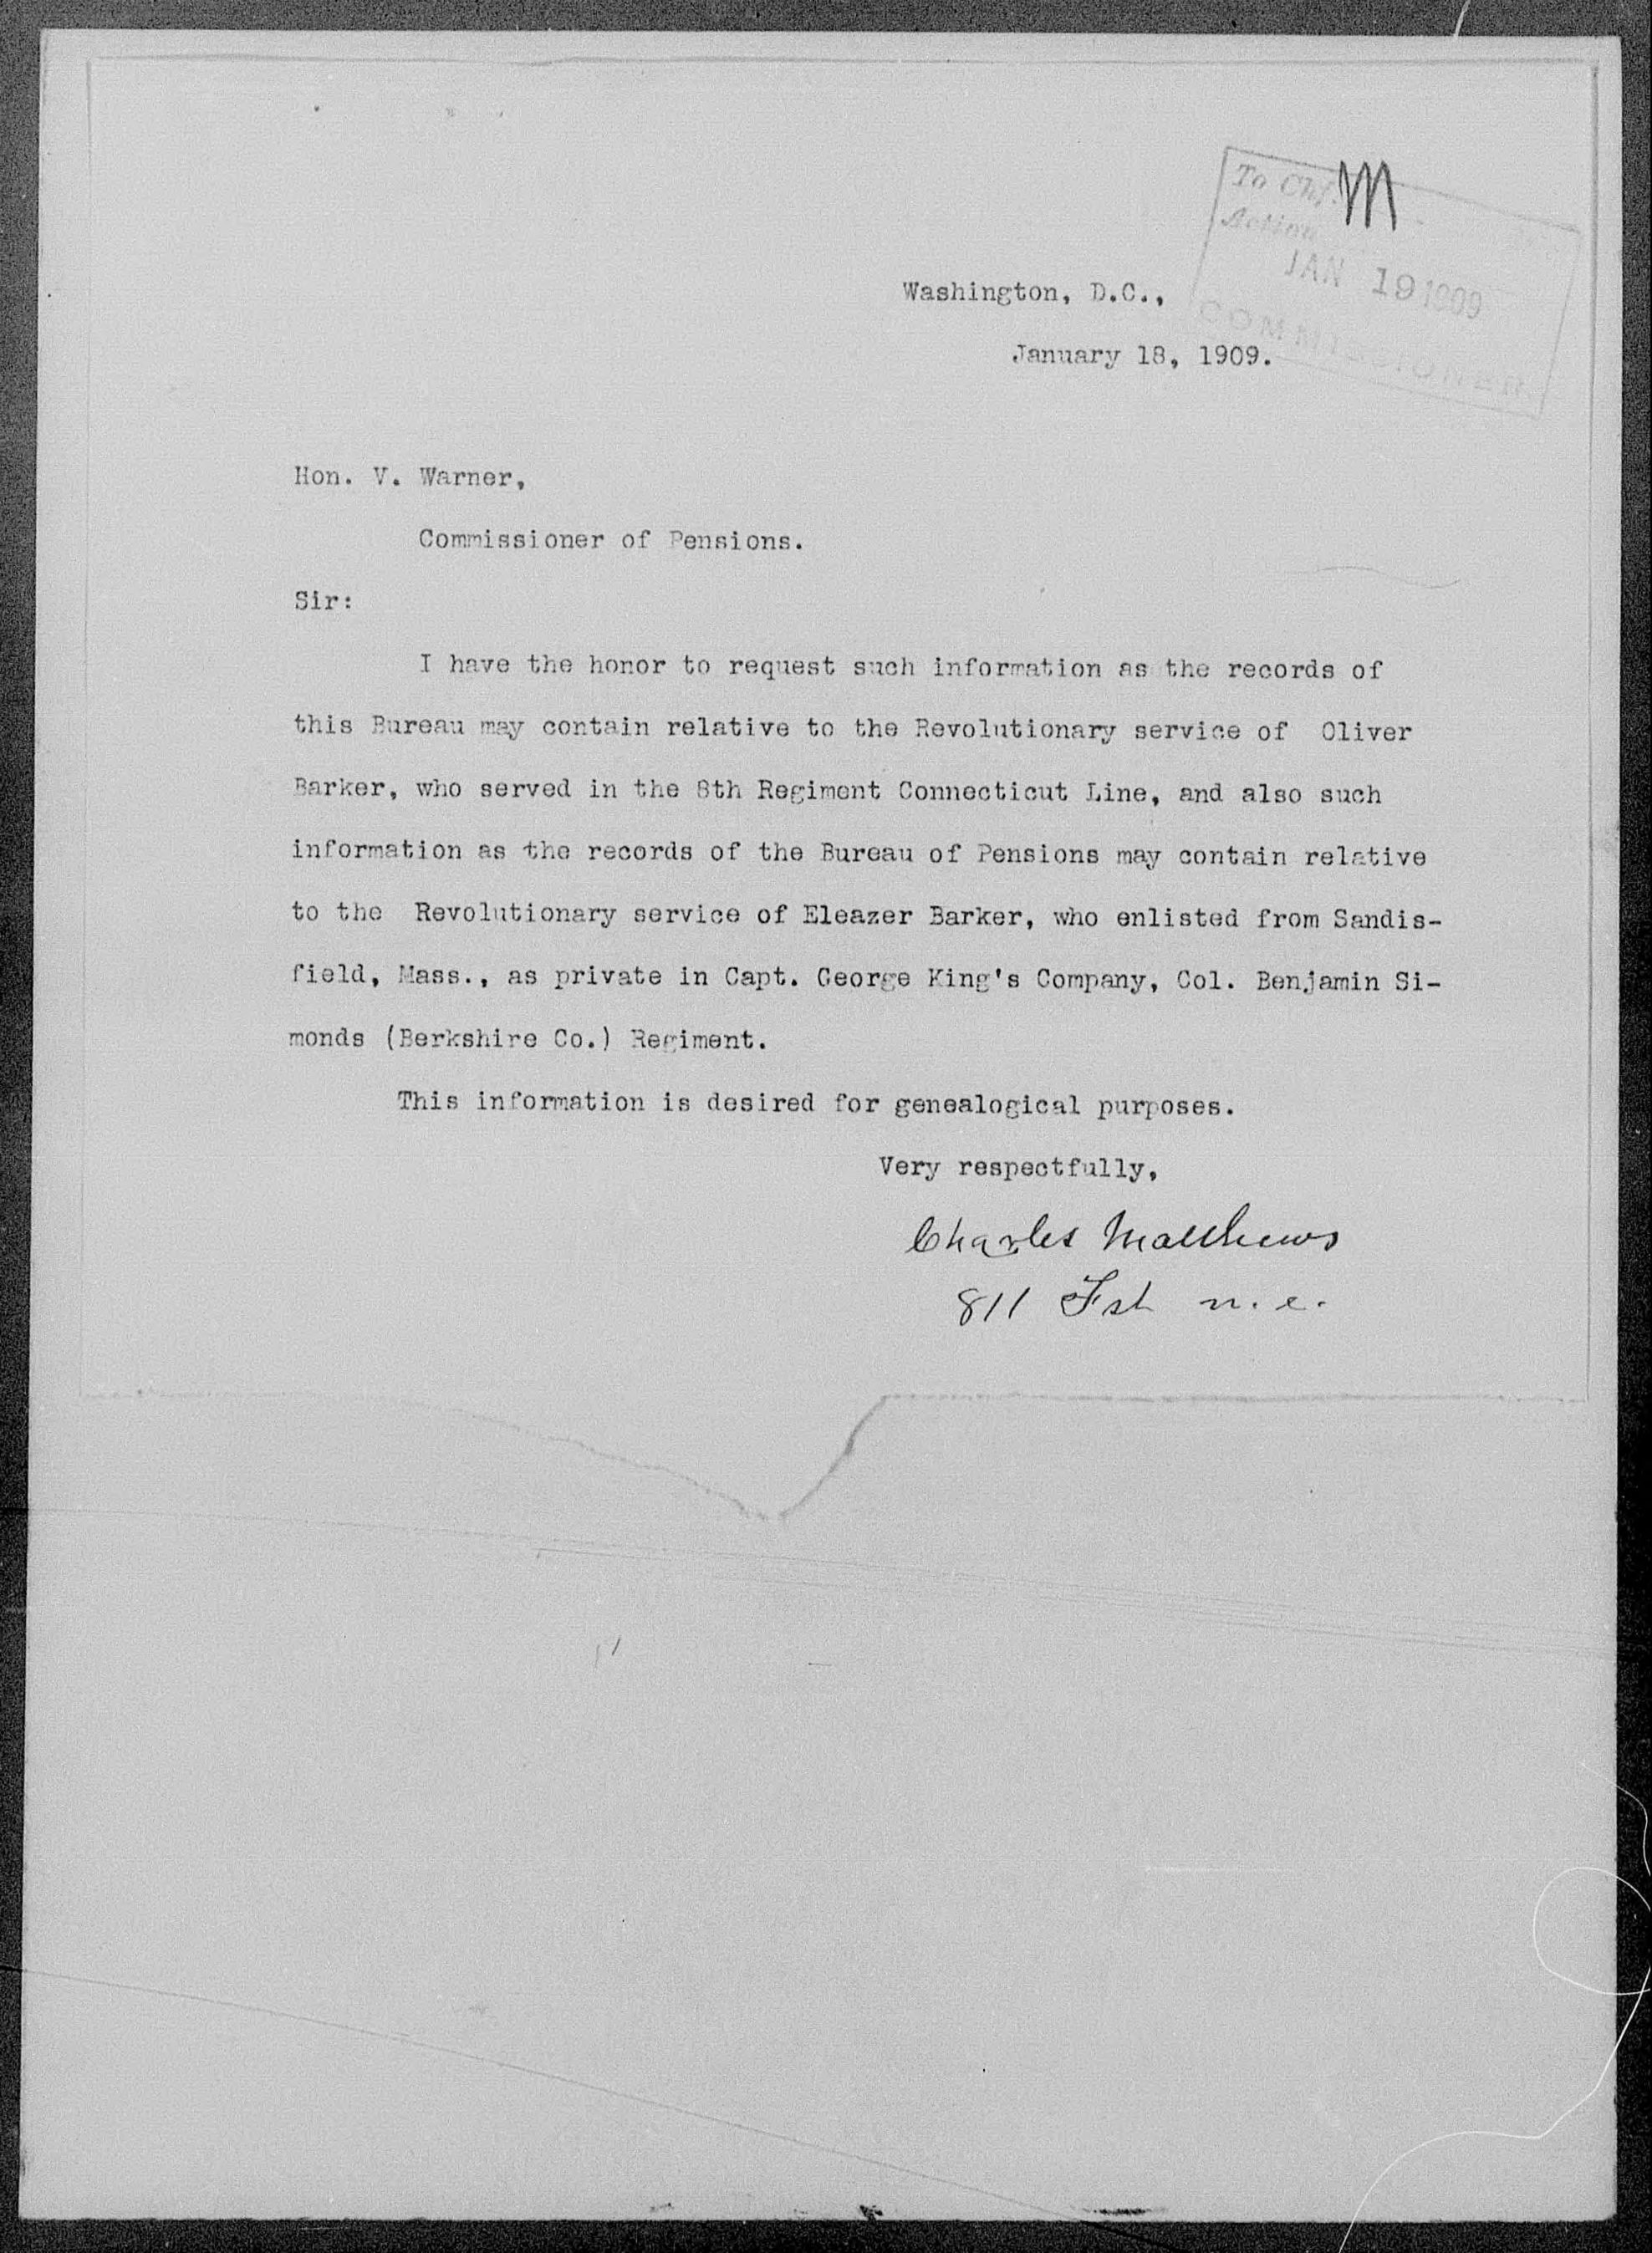[stamp] To Chf M Action   JAN 19 1909 COMMISSIONER   
Washington, D.C.
January 18, 1909 
Commissioner of Pensions.
Sir. 
I have the honor to request such information as the records of this Bureau may contain relative to the Revolutionary service of Oliver Barker, who served in the 8th Regiment Connecticut Line, and also such information as the records of the Bureau of Pensions may contain relative to the Revolutionary service of Eleazer Barker, who enlisted from Sandisfield , Mass., as private in Capt. George King's Company, Col. Benjamin Simonds ( Berkshire Co.) Regiment. 
This information is desired for genealogical purposes. 
Very respectfully, 
Charles Matthews
811 Fsh n. e.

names: V Warner, Eleazer Barker, Oliver Barker, Charles Matthews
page: 22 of 51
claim: widow's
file: W. 1698, Oliver Barker, Conn.